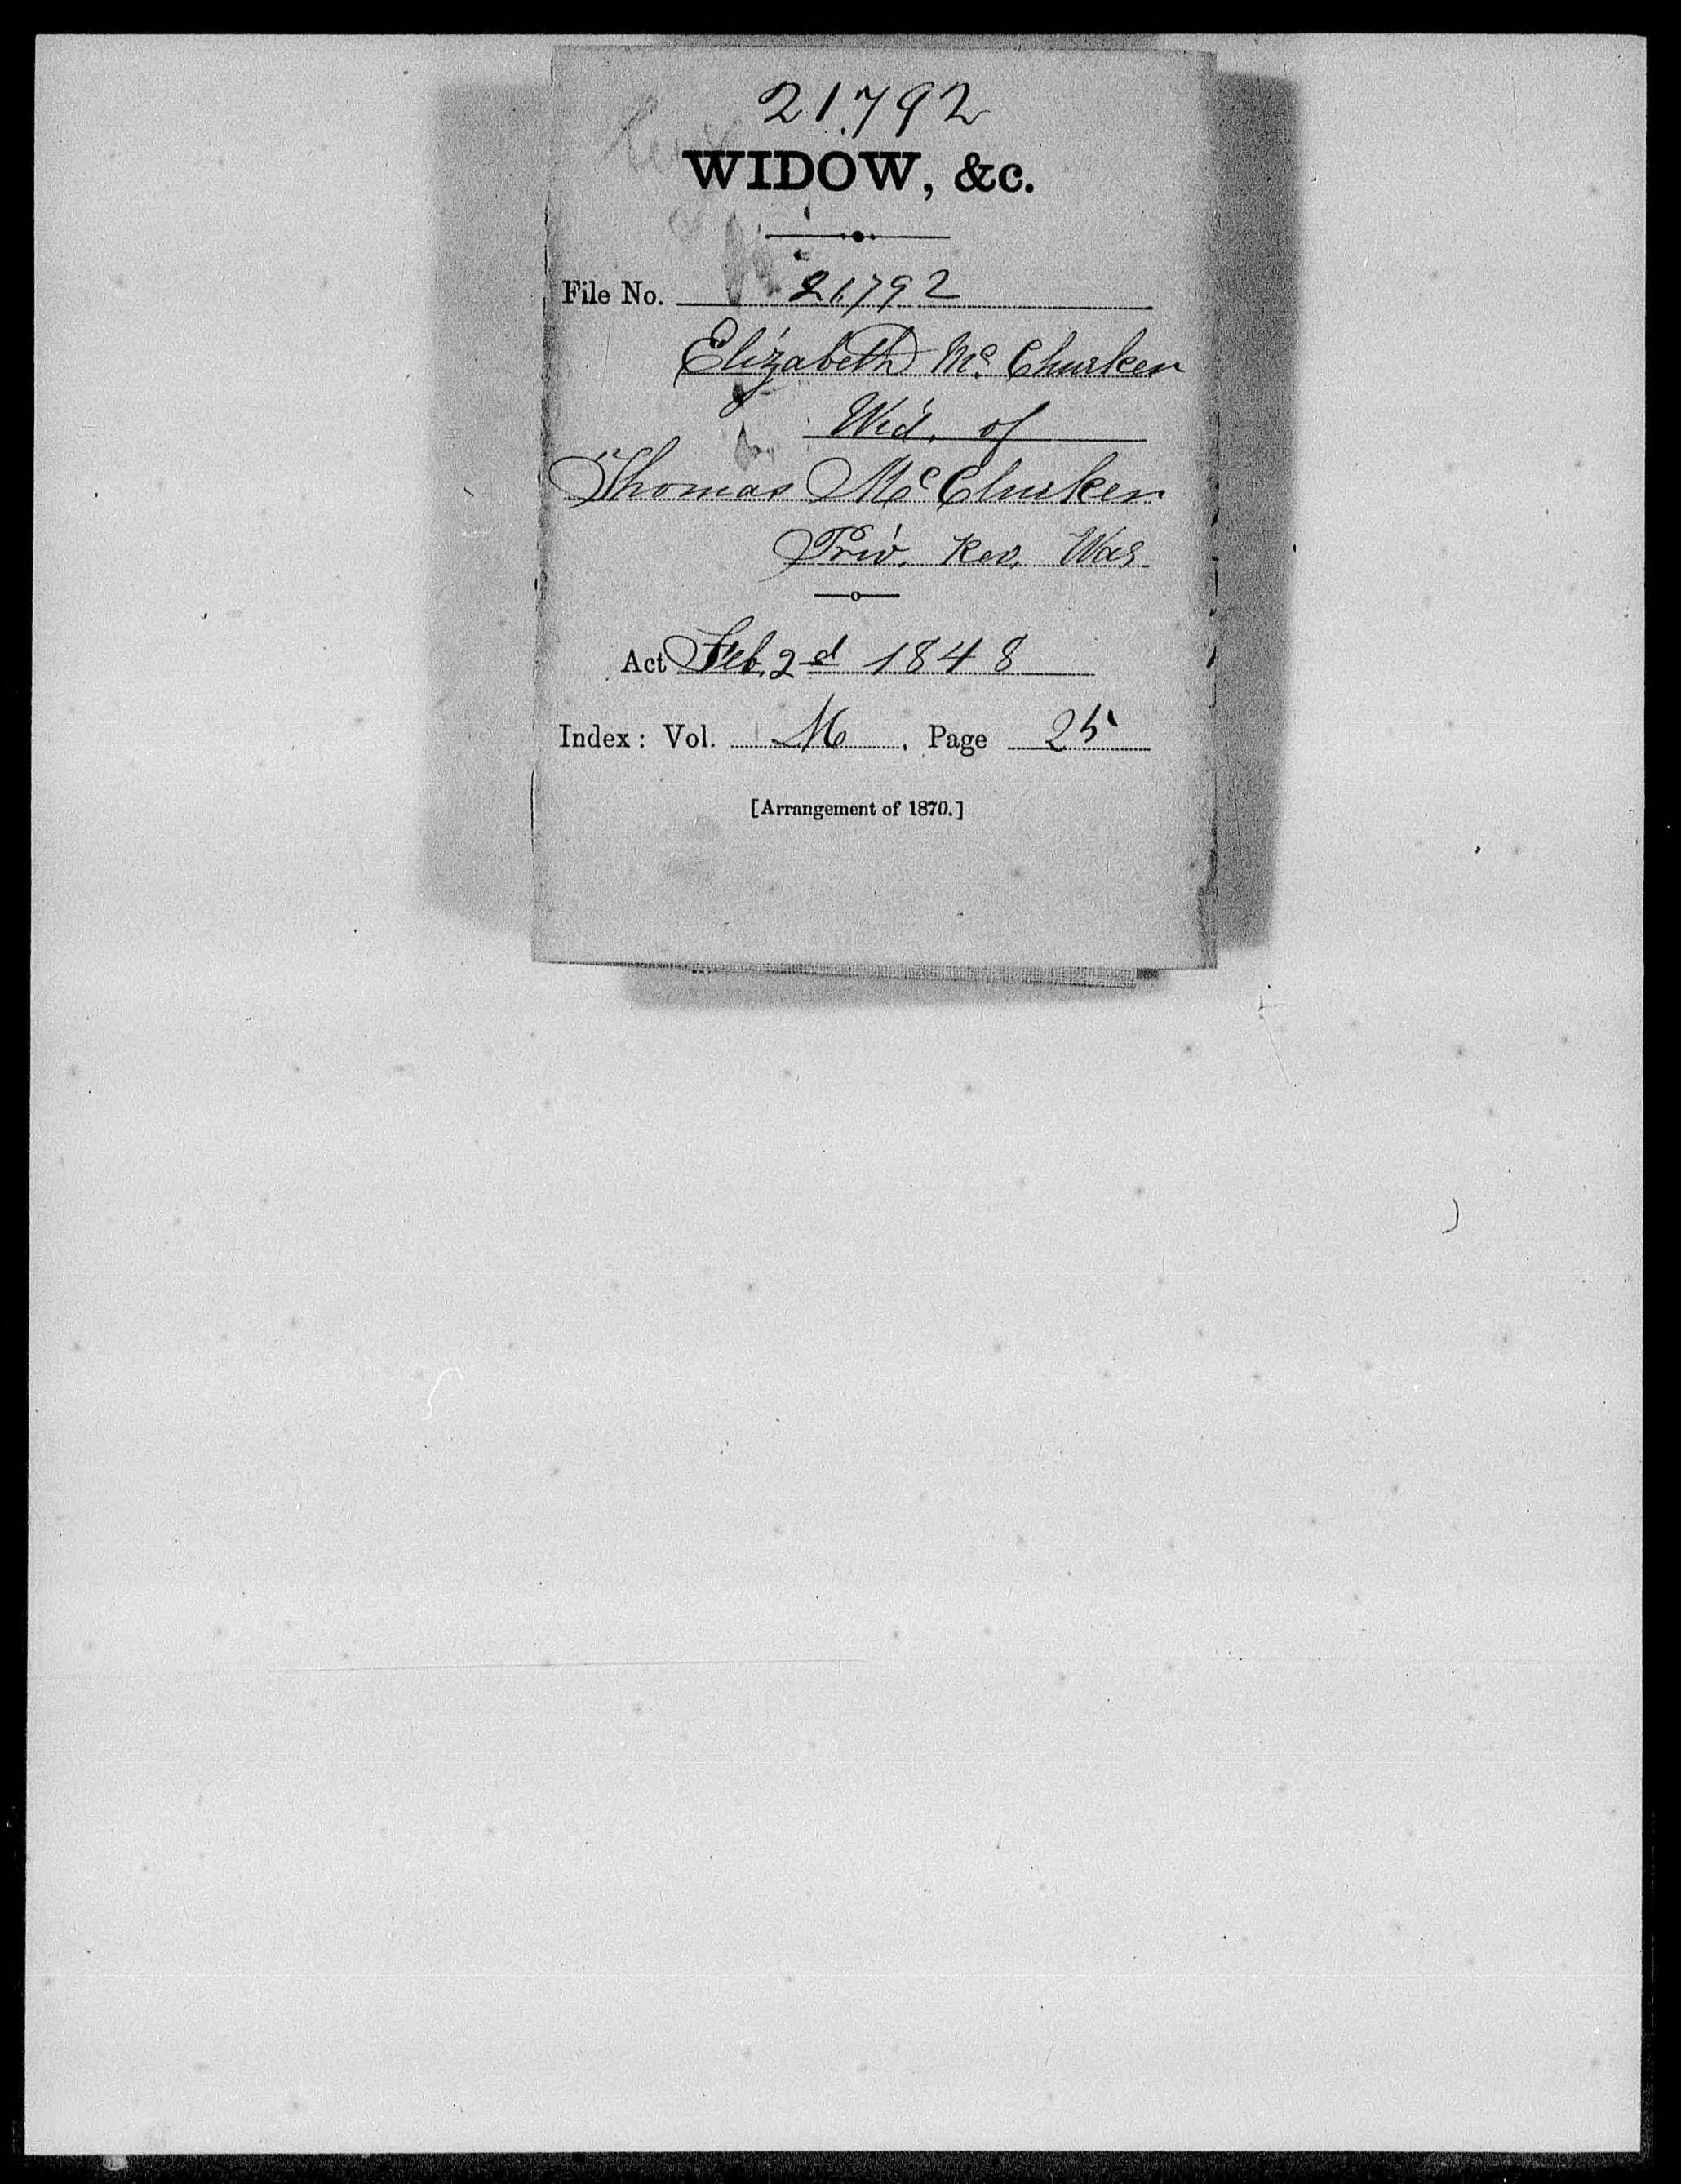21792 
WIDOW, &c. 
File No. 21792 
Elizabeth McClurken
We'd of 
Thomas McClurken 
Priv. Rev. War 
Act Feb. 2d 1848 
Index: Vol. 46, Page 25 

[Arrangement of 1870.]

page: 24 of 93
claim: widow's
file: W. 21792, for Thomas Mc Clurken, South Carolina